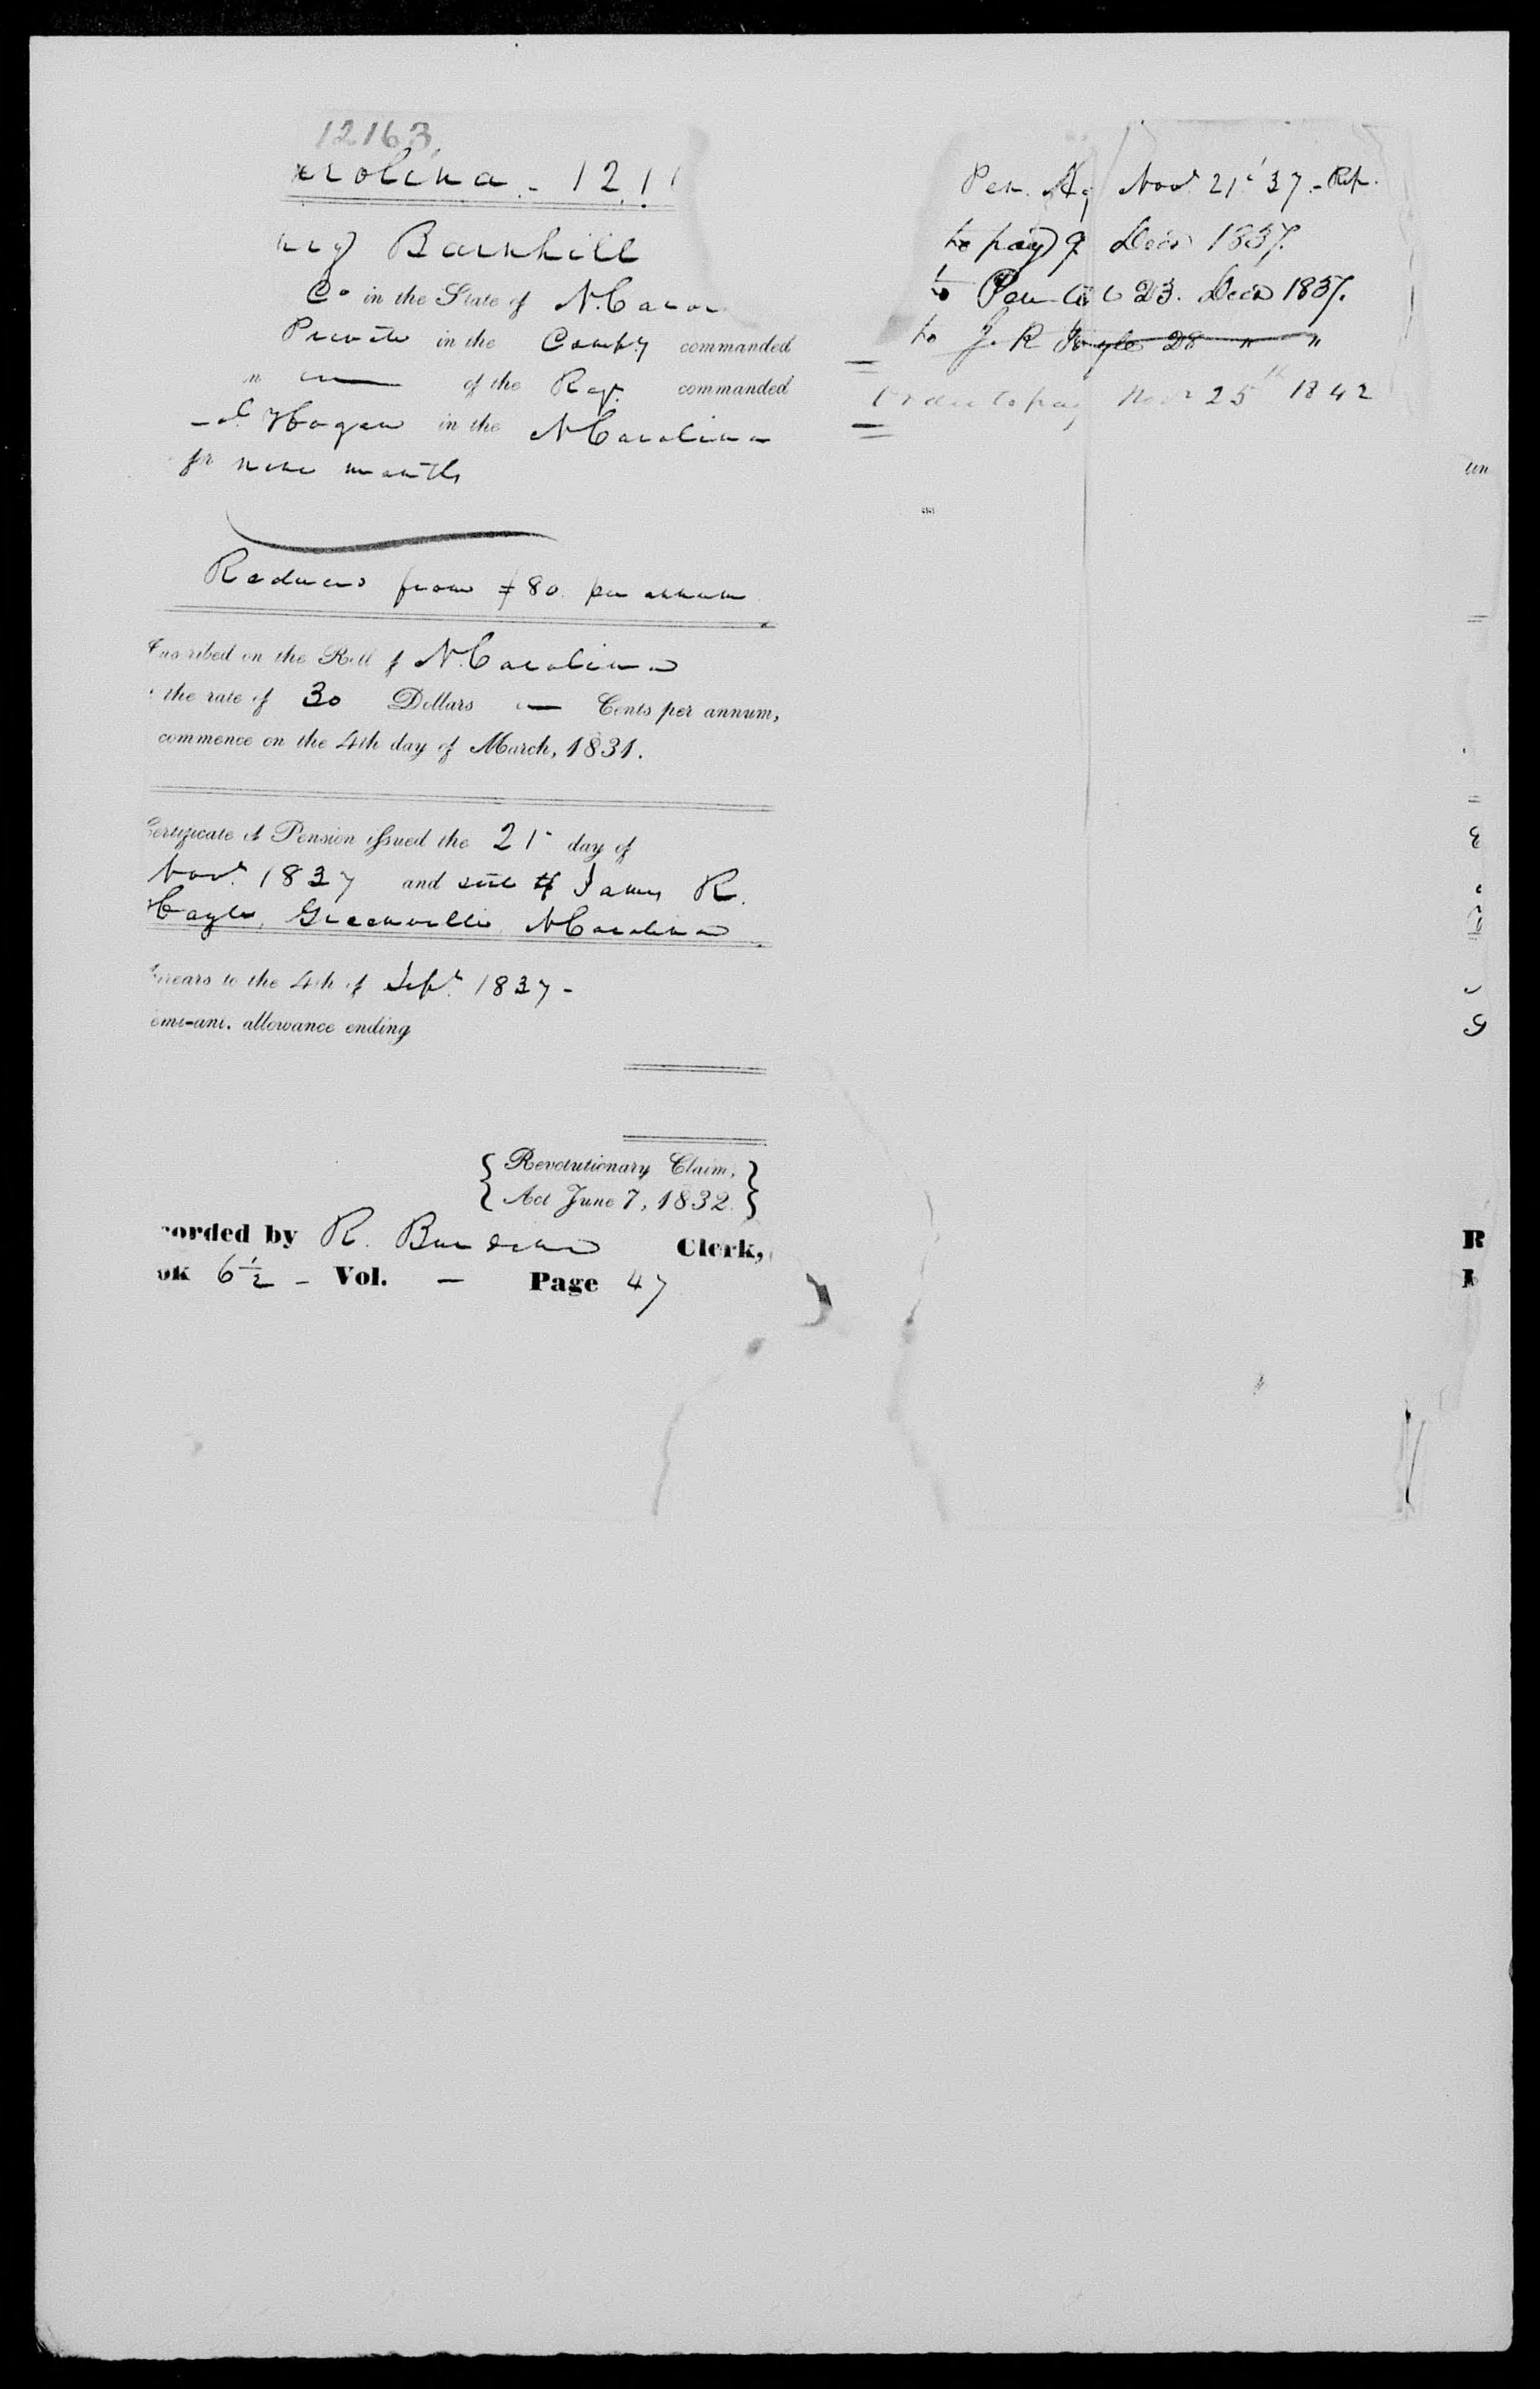[large chunks of page torn out; transcribed as seen]
12163.
arolina. - 1211
_________________
Henry Barnhill 
Co in the State of N. Carolina 
Private in the compy. commanded 
- of the Rgt. commanded 
l. bagen in the N Carolina
for nine months
~
Reduces from $80 per annum
________________
Inscribed on the Roll of N. Carolina
at the rate of 30 Dollars -- Cents per annum, to commence on the 4th day of March, 1831.
______________
Certificate of Pension issued the 21 day of Nov. 1837 and sent to James R. Coyle, Greenville, N Carolina
__________________
Arrears to the 4th of Sept. 1837- [blank]
Semi-anl. allowance ending [blank]
_____________
[blank]
___________
{ Revolutionary Claim, Act June 7, 1832. }

Recorded by R. Burdian Clerk,
Book 6 1/2  -   Vol. -    Page 47



Pen. Ag. Nov 21 37- Rep.
to pay 9 Dec'r 1837.
to Pen [illegible] 23. Dec'r 1837.
to J. R. [illegible] 28 " "
____
order to pay Novr 25th 1842
____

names: , R Burdian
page: 13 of 42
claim: survivor's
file: S. 6579, Henry Barnhill, N. C.